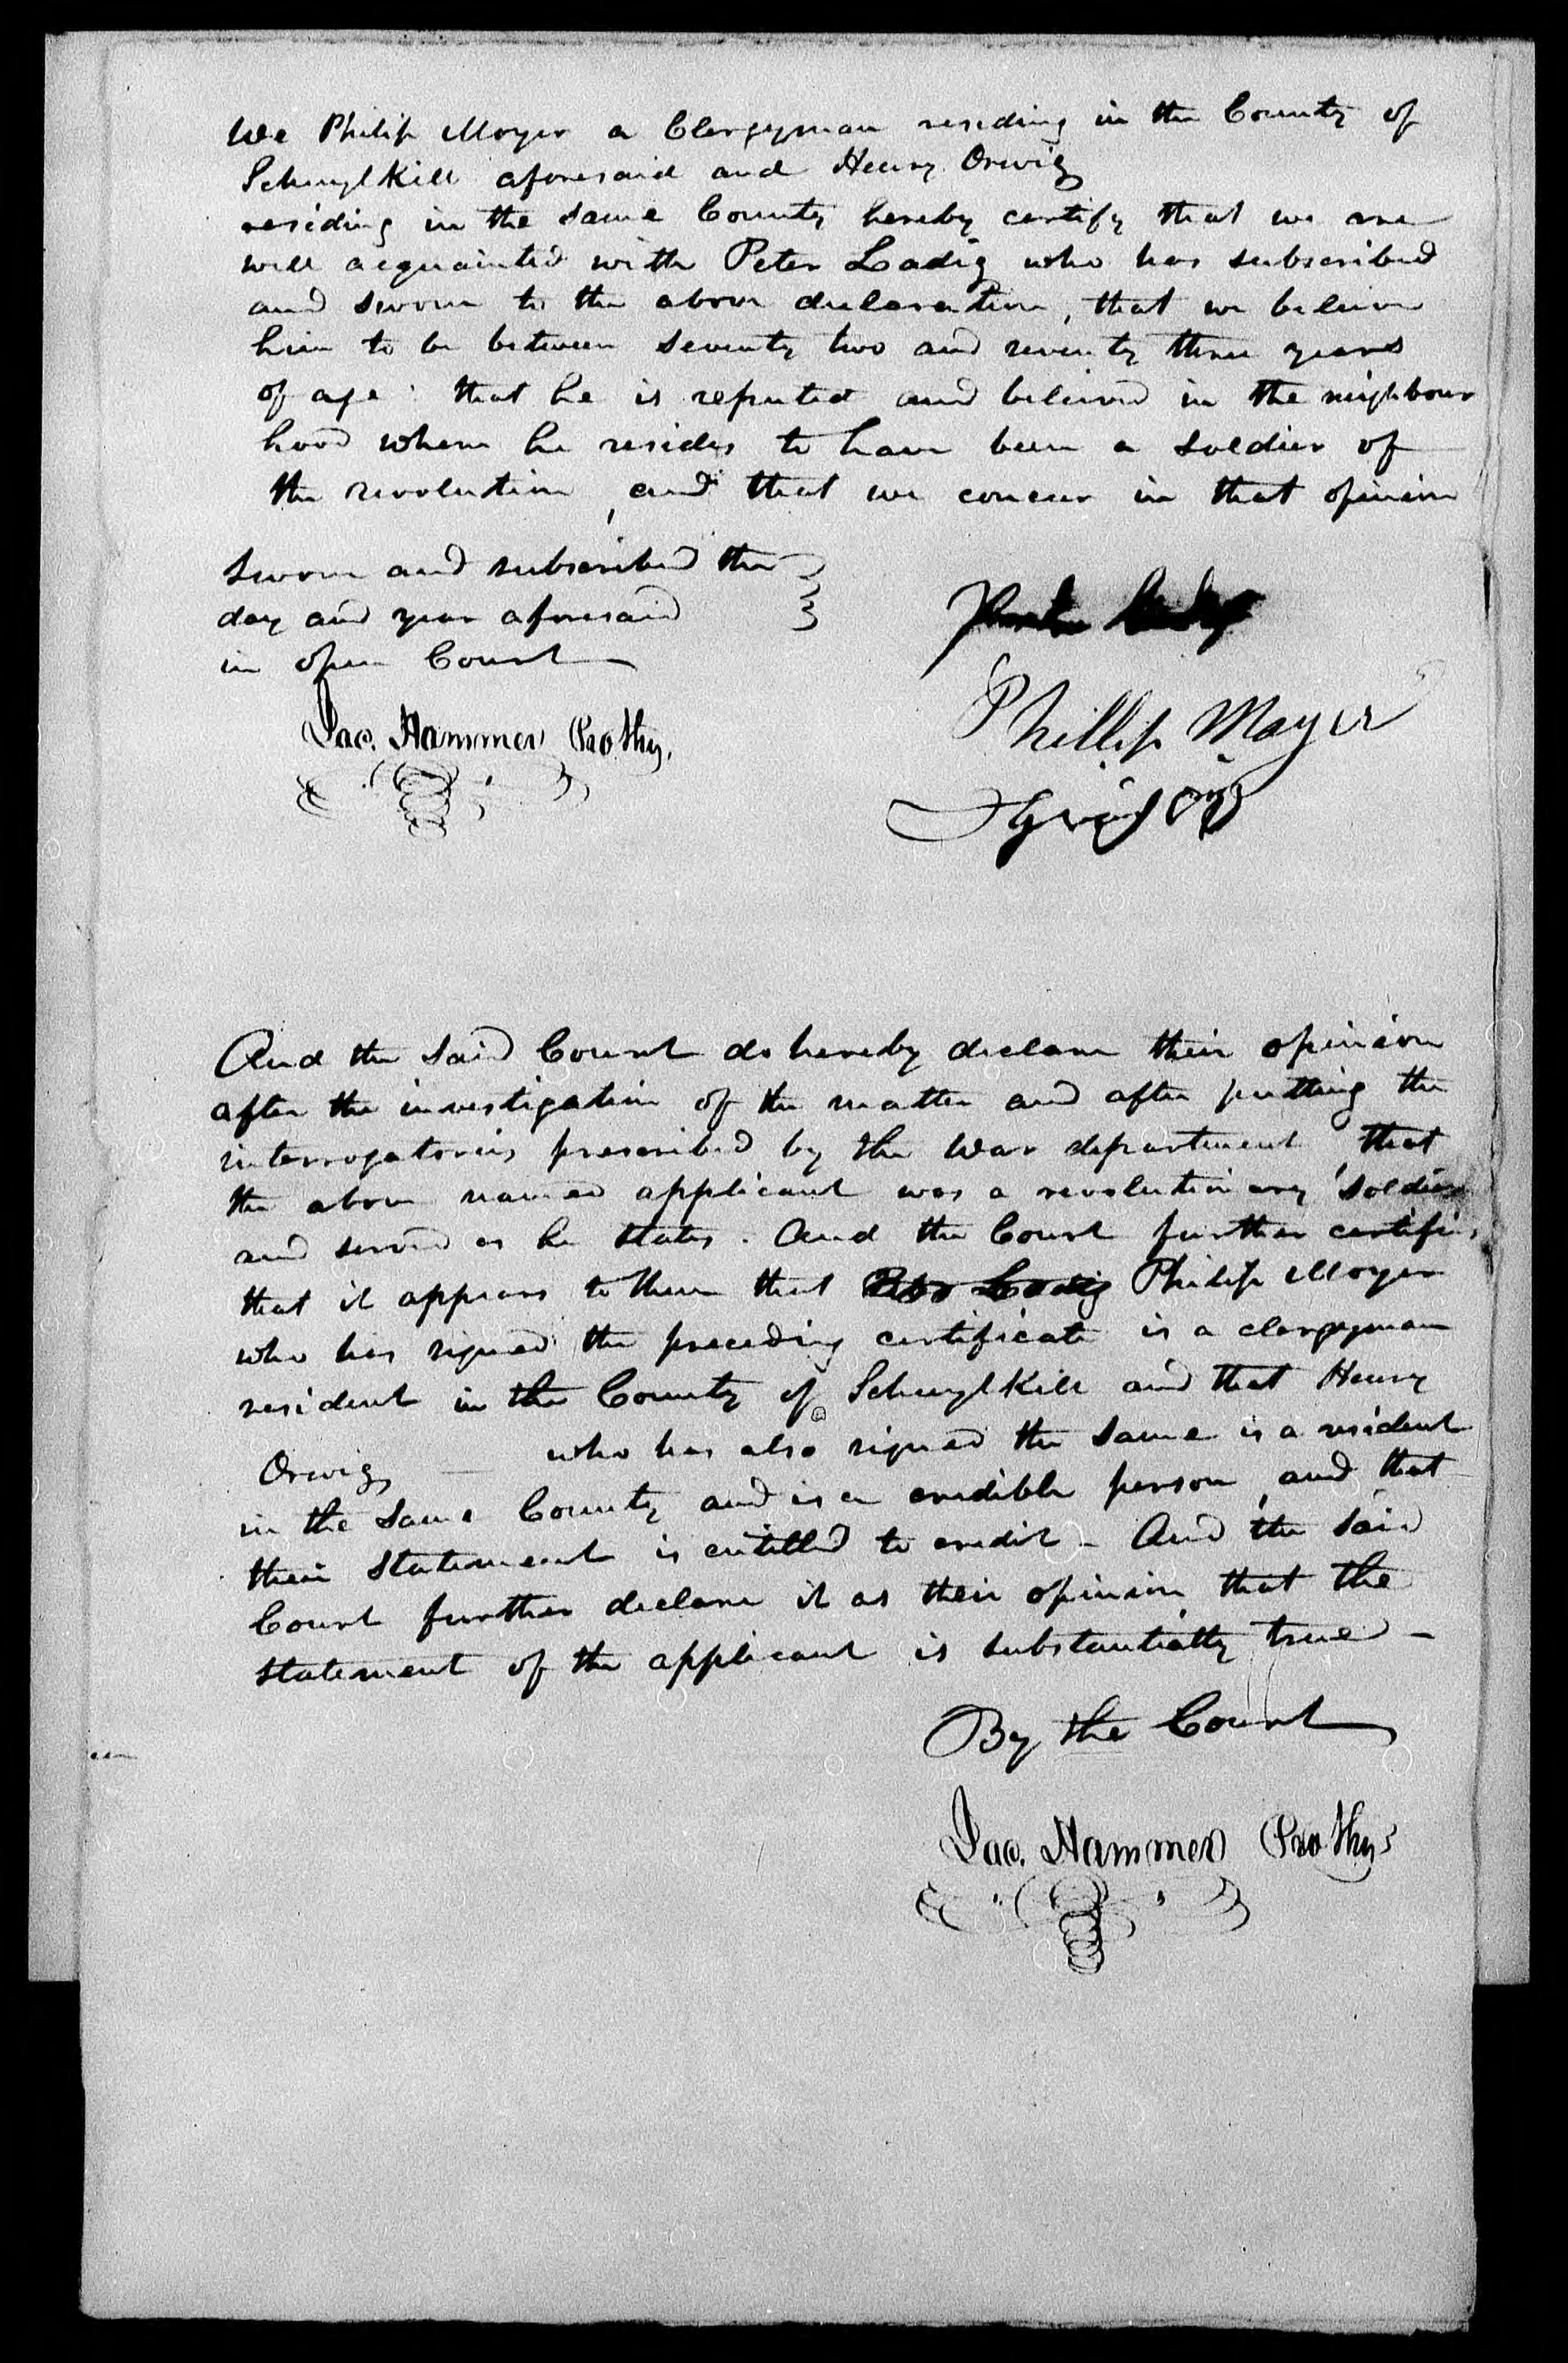We Philip Moyer a Clergyman residing in the County of Schuylkill aforesaid and Henry Orwig residing in the same county hereby certify that we are well acquainted with Peter Ladig who has subscribed and sworn to the above declaration, that we believe him to be between seventy two and seventy three years of age, that he is reputed and believed in the neighbourhood where he resides to have been a soldier of the revolution, and that we concur in that opinion

Sworn and subscribed the day and year aforesaid in open court}  Jac. Hammer Prothy [Prothonotary]

[illegible signature]
Phillip Moyer [signature]
[illegible signature]

And the said court do hereby declare their opinion after the investigation of the matter and after putting the interrogatories prescribed by the war department, that the above named applicant was a revolutionary soldier and served as he states.  And the court further certifies that it appears to them that [illegible crossed out name] Philip Moyer who has signed the preceding certificate is a clergyman resident in the County of Schuylkill and that Henry Orwig - who has also signed the same is a resident in the same county and is a credible person and that their statement is entitled to credit - And the said court further declares it as their opinion that the statement of the applicant is substantially true -

By the Court

Jac. Hammer Prothy [Prothonotary]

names: J Gregor; Henry Orwig; Philip Moyer; Jac Hammer; Phillip Mayer; Peter Ladig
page: 8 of 17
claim: survivor's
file: S. 4499, for Peter Ladig, Pennsylvania